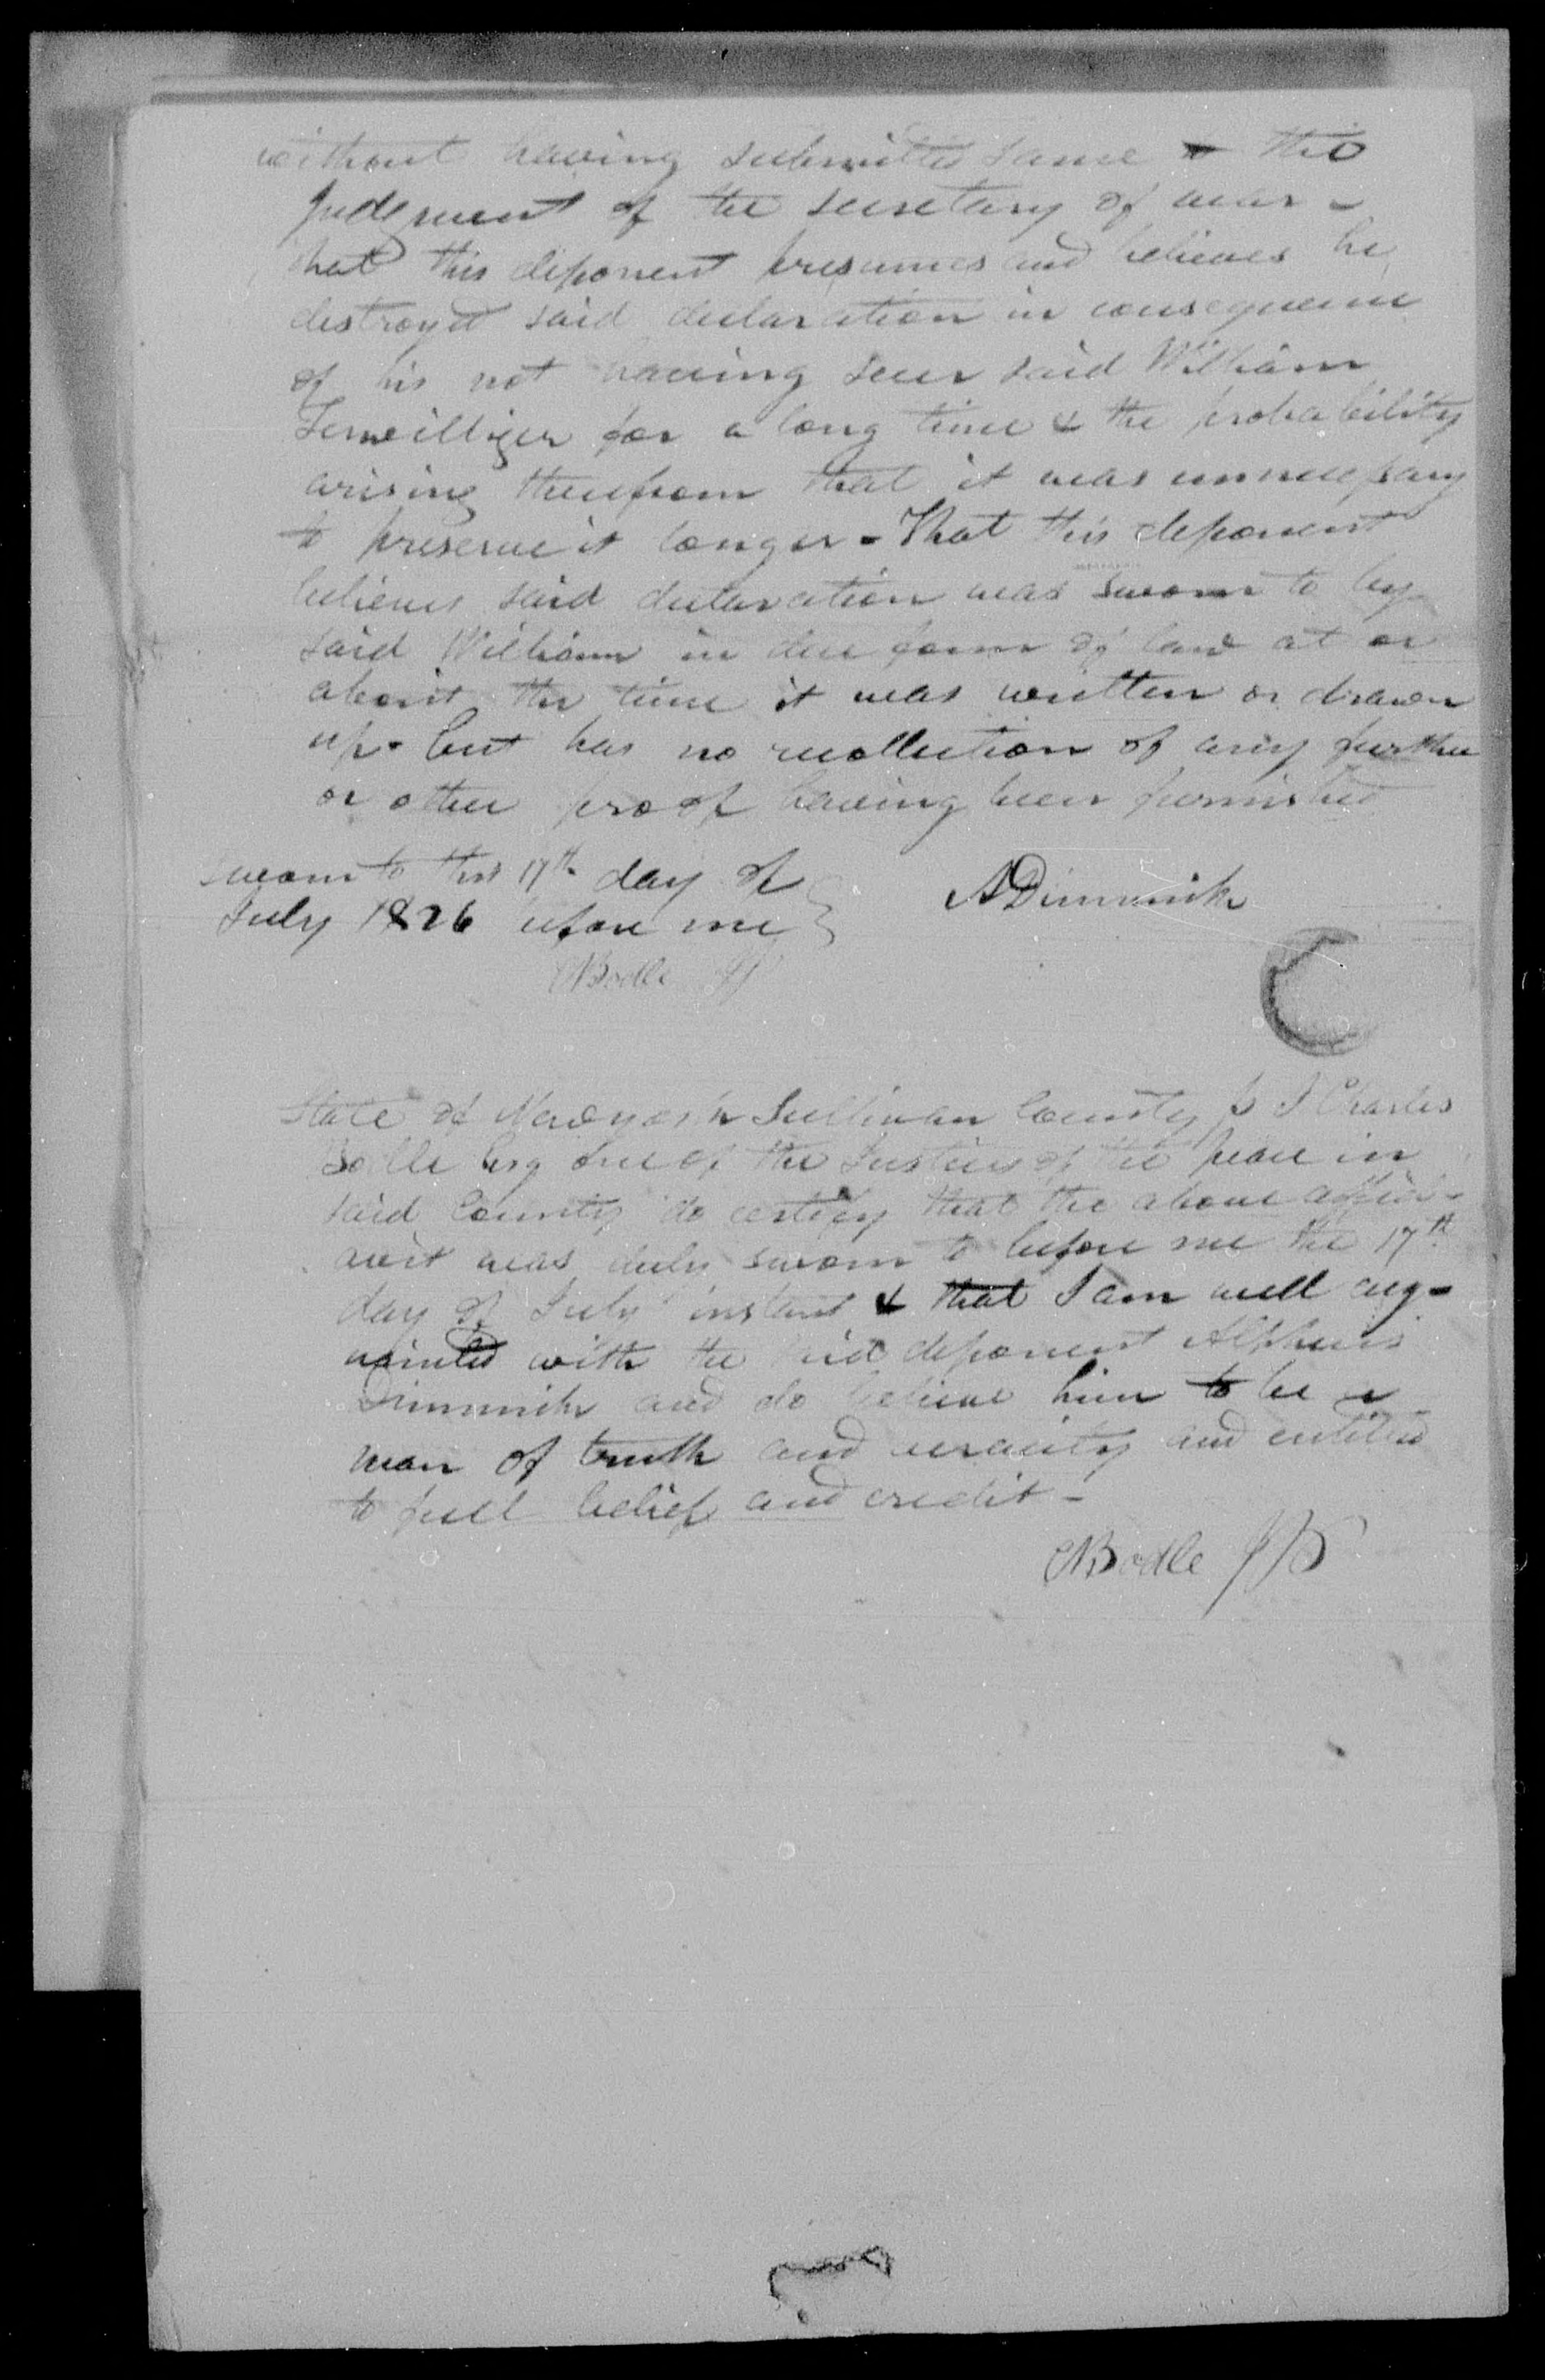without having submitted same the
Judgment of the secretary of our
that this deponent presumes and believes he
destroyed said declaration in consequence
of his not having seen said William
Terwilliger for a long time & the probability
arising therefrom that it was unnecessary to
preserve it longer. That this deponent
believes said declaration was sworn to by
said William in the form of law at or
about the time it was written or drawn
up but has no recollection of any further
or other proof having been furnished
Sworn to this 17th day of
July 1826 before me
Dinnink
Bodle
R
State of New York Sullivan County ⎬ I Charles
Bodle Esq one of the Justices of the peace in
said County do certify that the above affidavit was duly sworn to before me the 17th
day of July instant & that I am well acqainted
with the said deponent Alphis Dimnik
and do believe him to be a
man of truth and veracity and entitled
to full belief and credit-
Bodle J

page: 35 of 64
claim: survivor's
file: S. 42,464, for William Terwilliger, New York